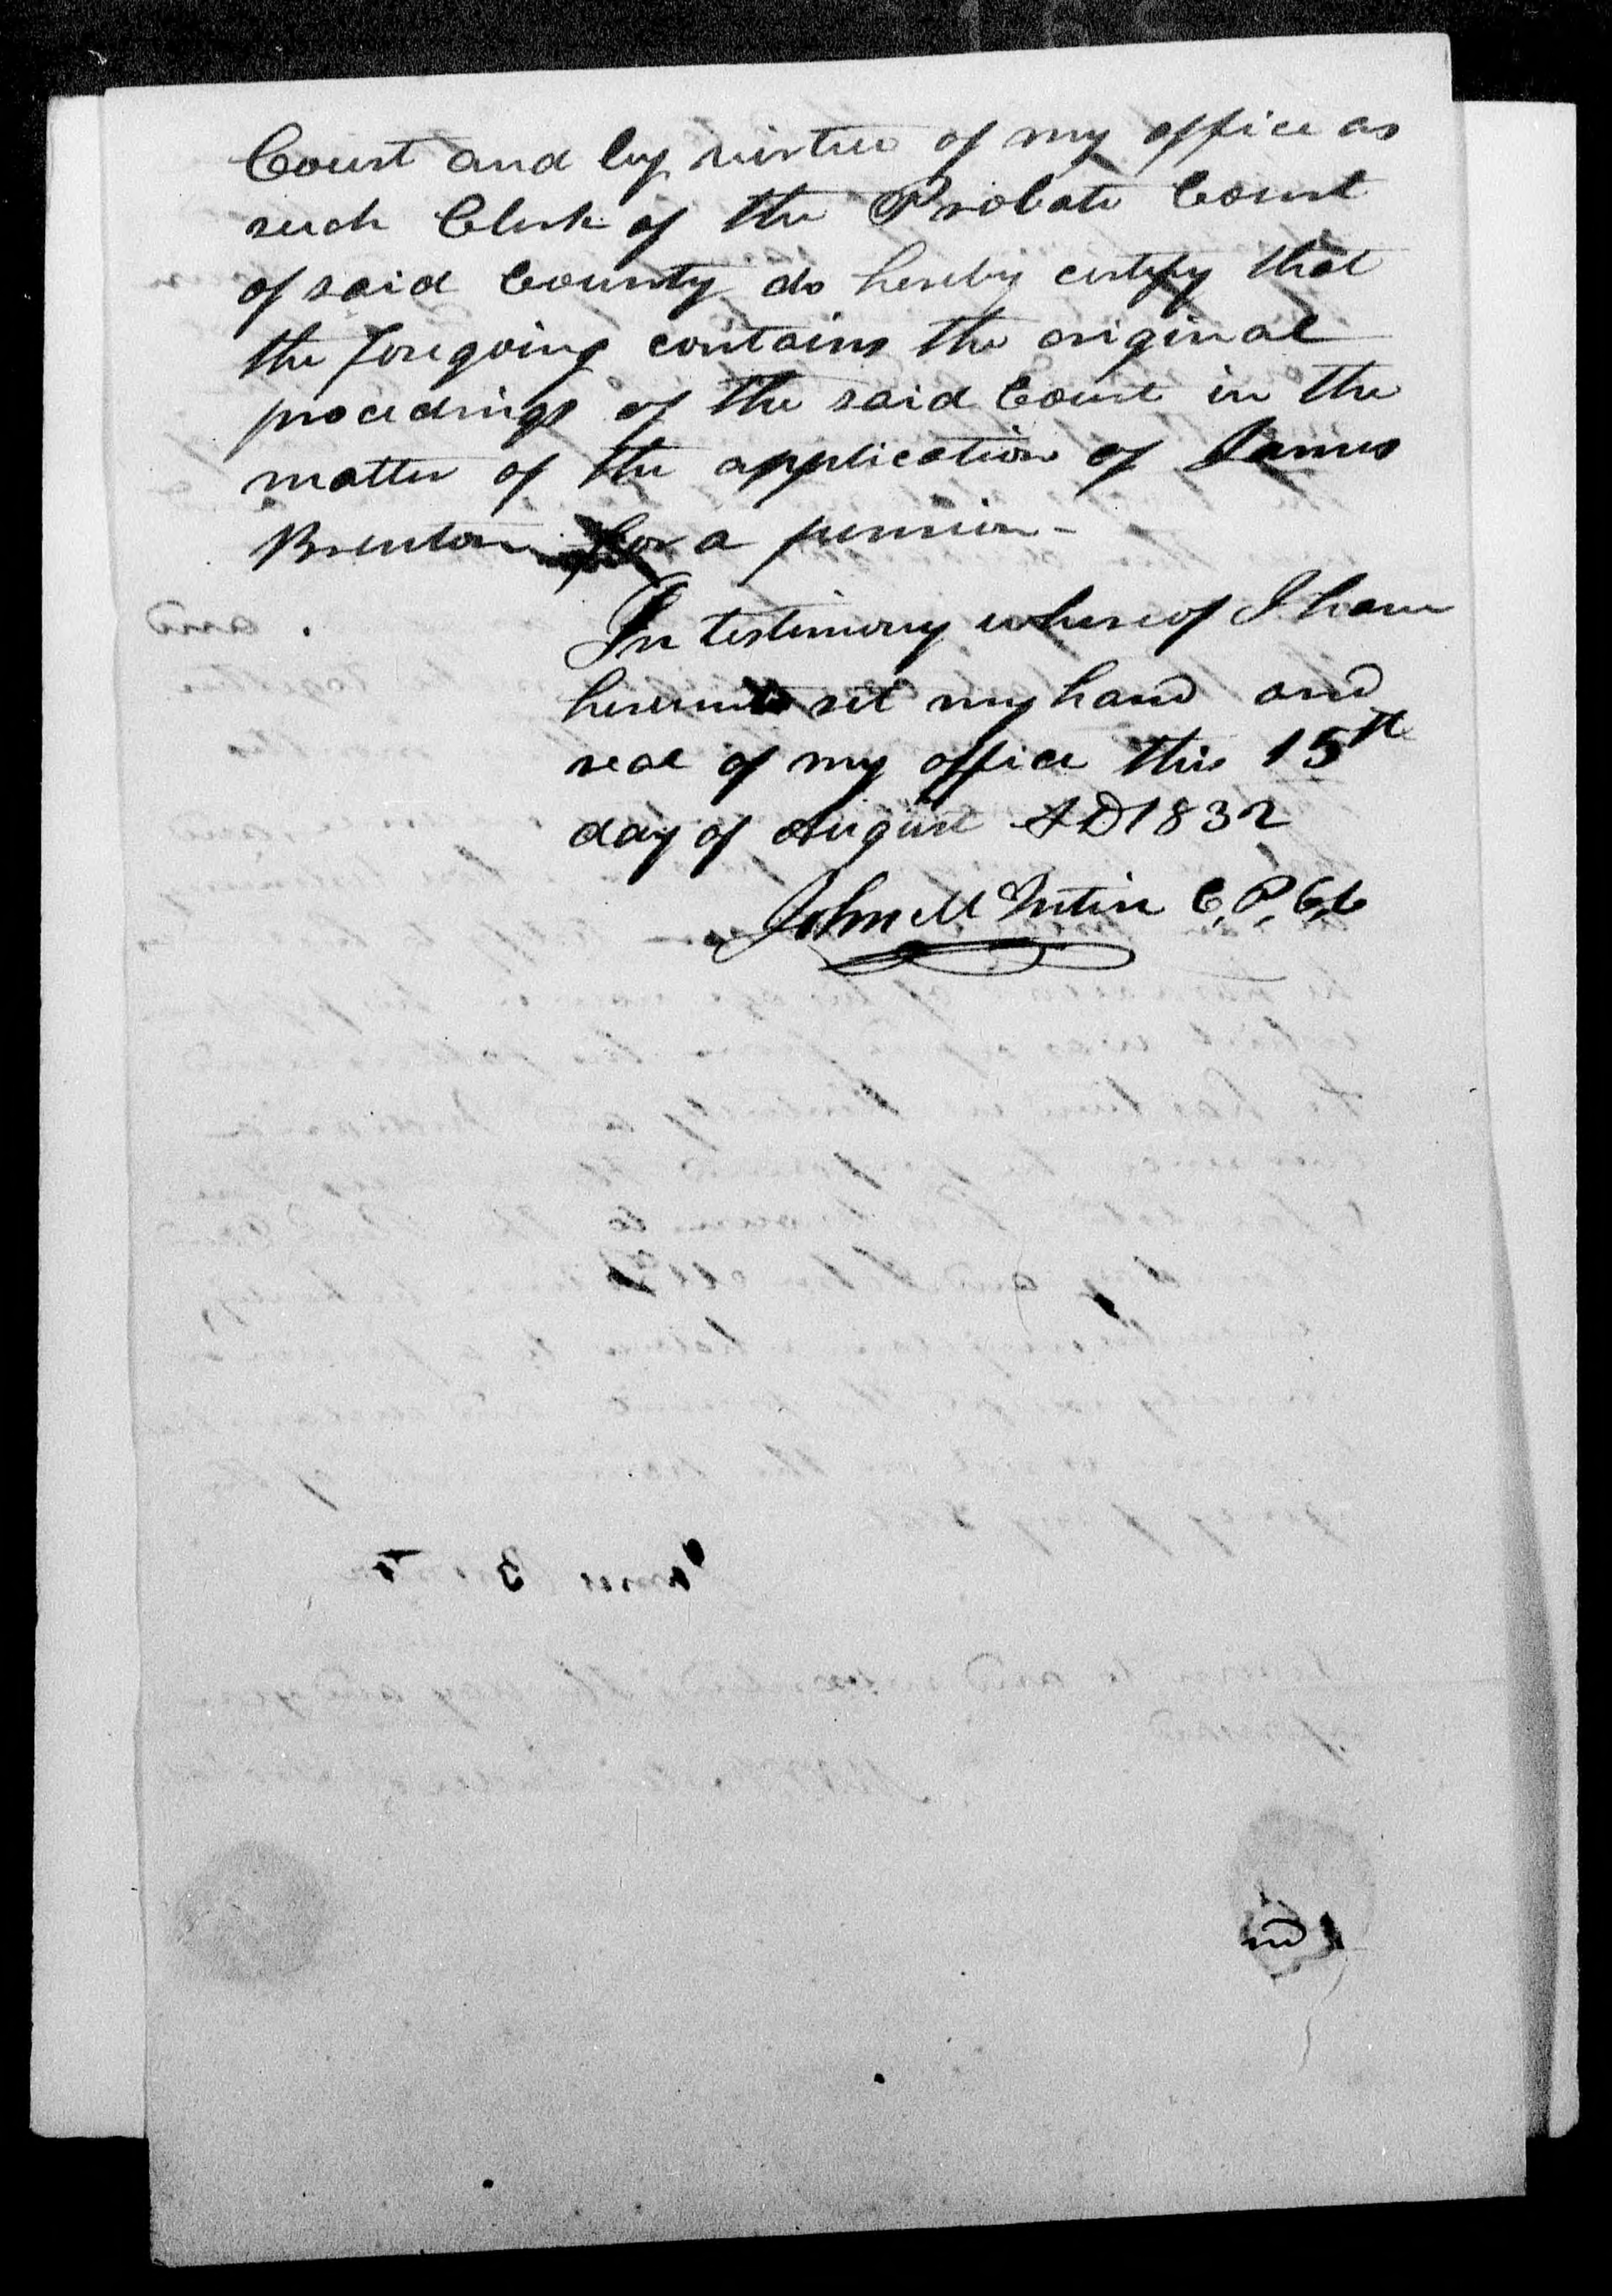Court and by virtue of my office as such Clerk of the Probate Court of said county do hereby certify that the foregoing contains the original proceedings of the said Court in the matter of the application of James Brenton for a pension.
In testimony whereof I have hereunto set my hand and seal of my office this 15th day of August AD 1832
John McIntire C.P. Ct.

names: John Mc Intire, James Brenton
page: 8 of 49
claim: widow's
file: W. 2518, James Brenton, Va.